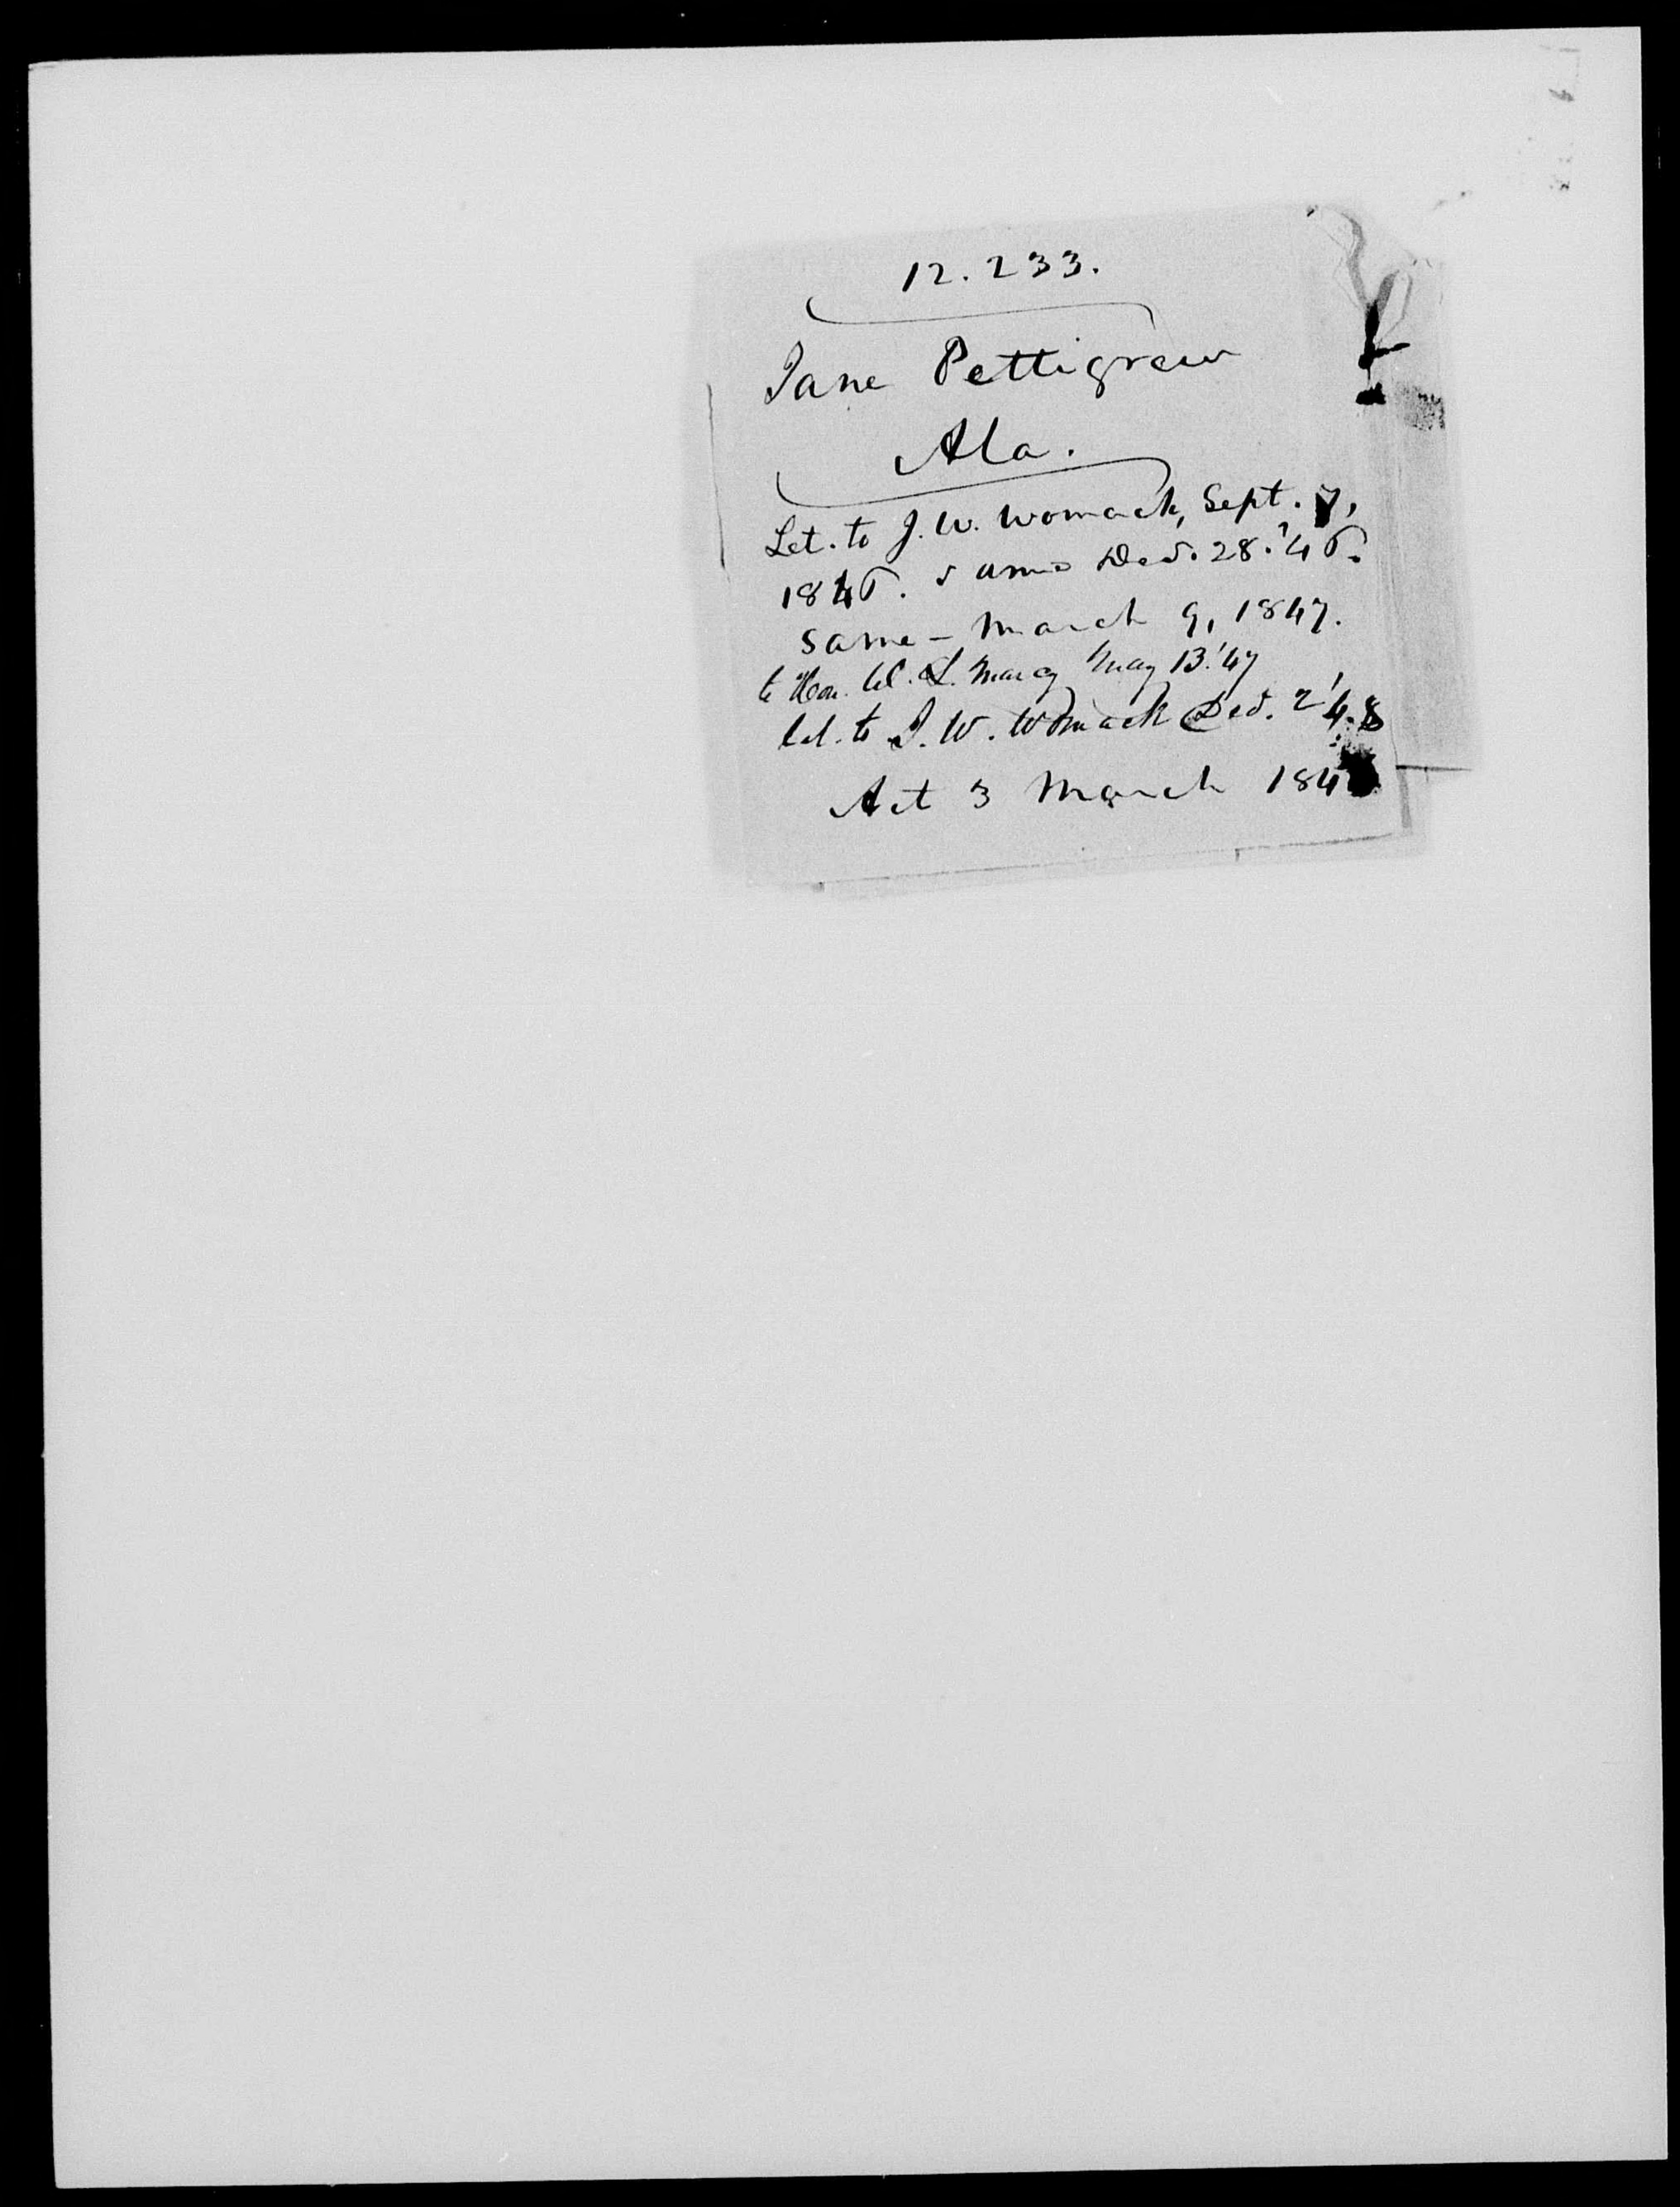12.233.
Jane Pettigrew
Ma.
Let. to g.w. womach, Sept. 7, 1846. umd Ded. 28. 46. same - Meach 9, 1847.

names: J W Wamack; Jane Pettigrew; W L Marcy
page: 32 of 92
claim: widow's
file: W. 5522, for James Pettigrew, South Carolina